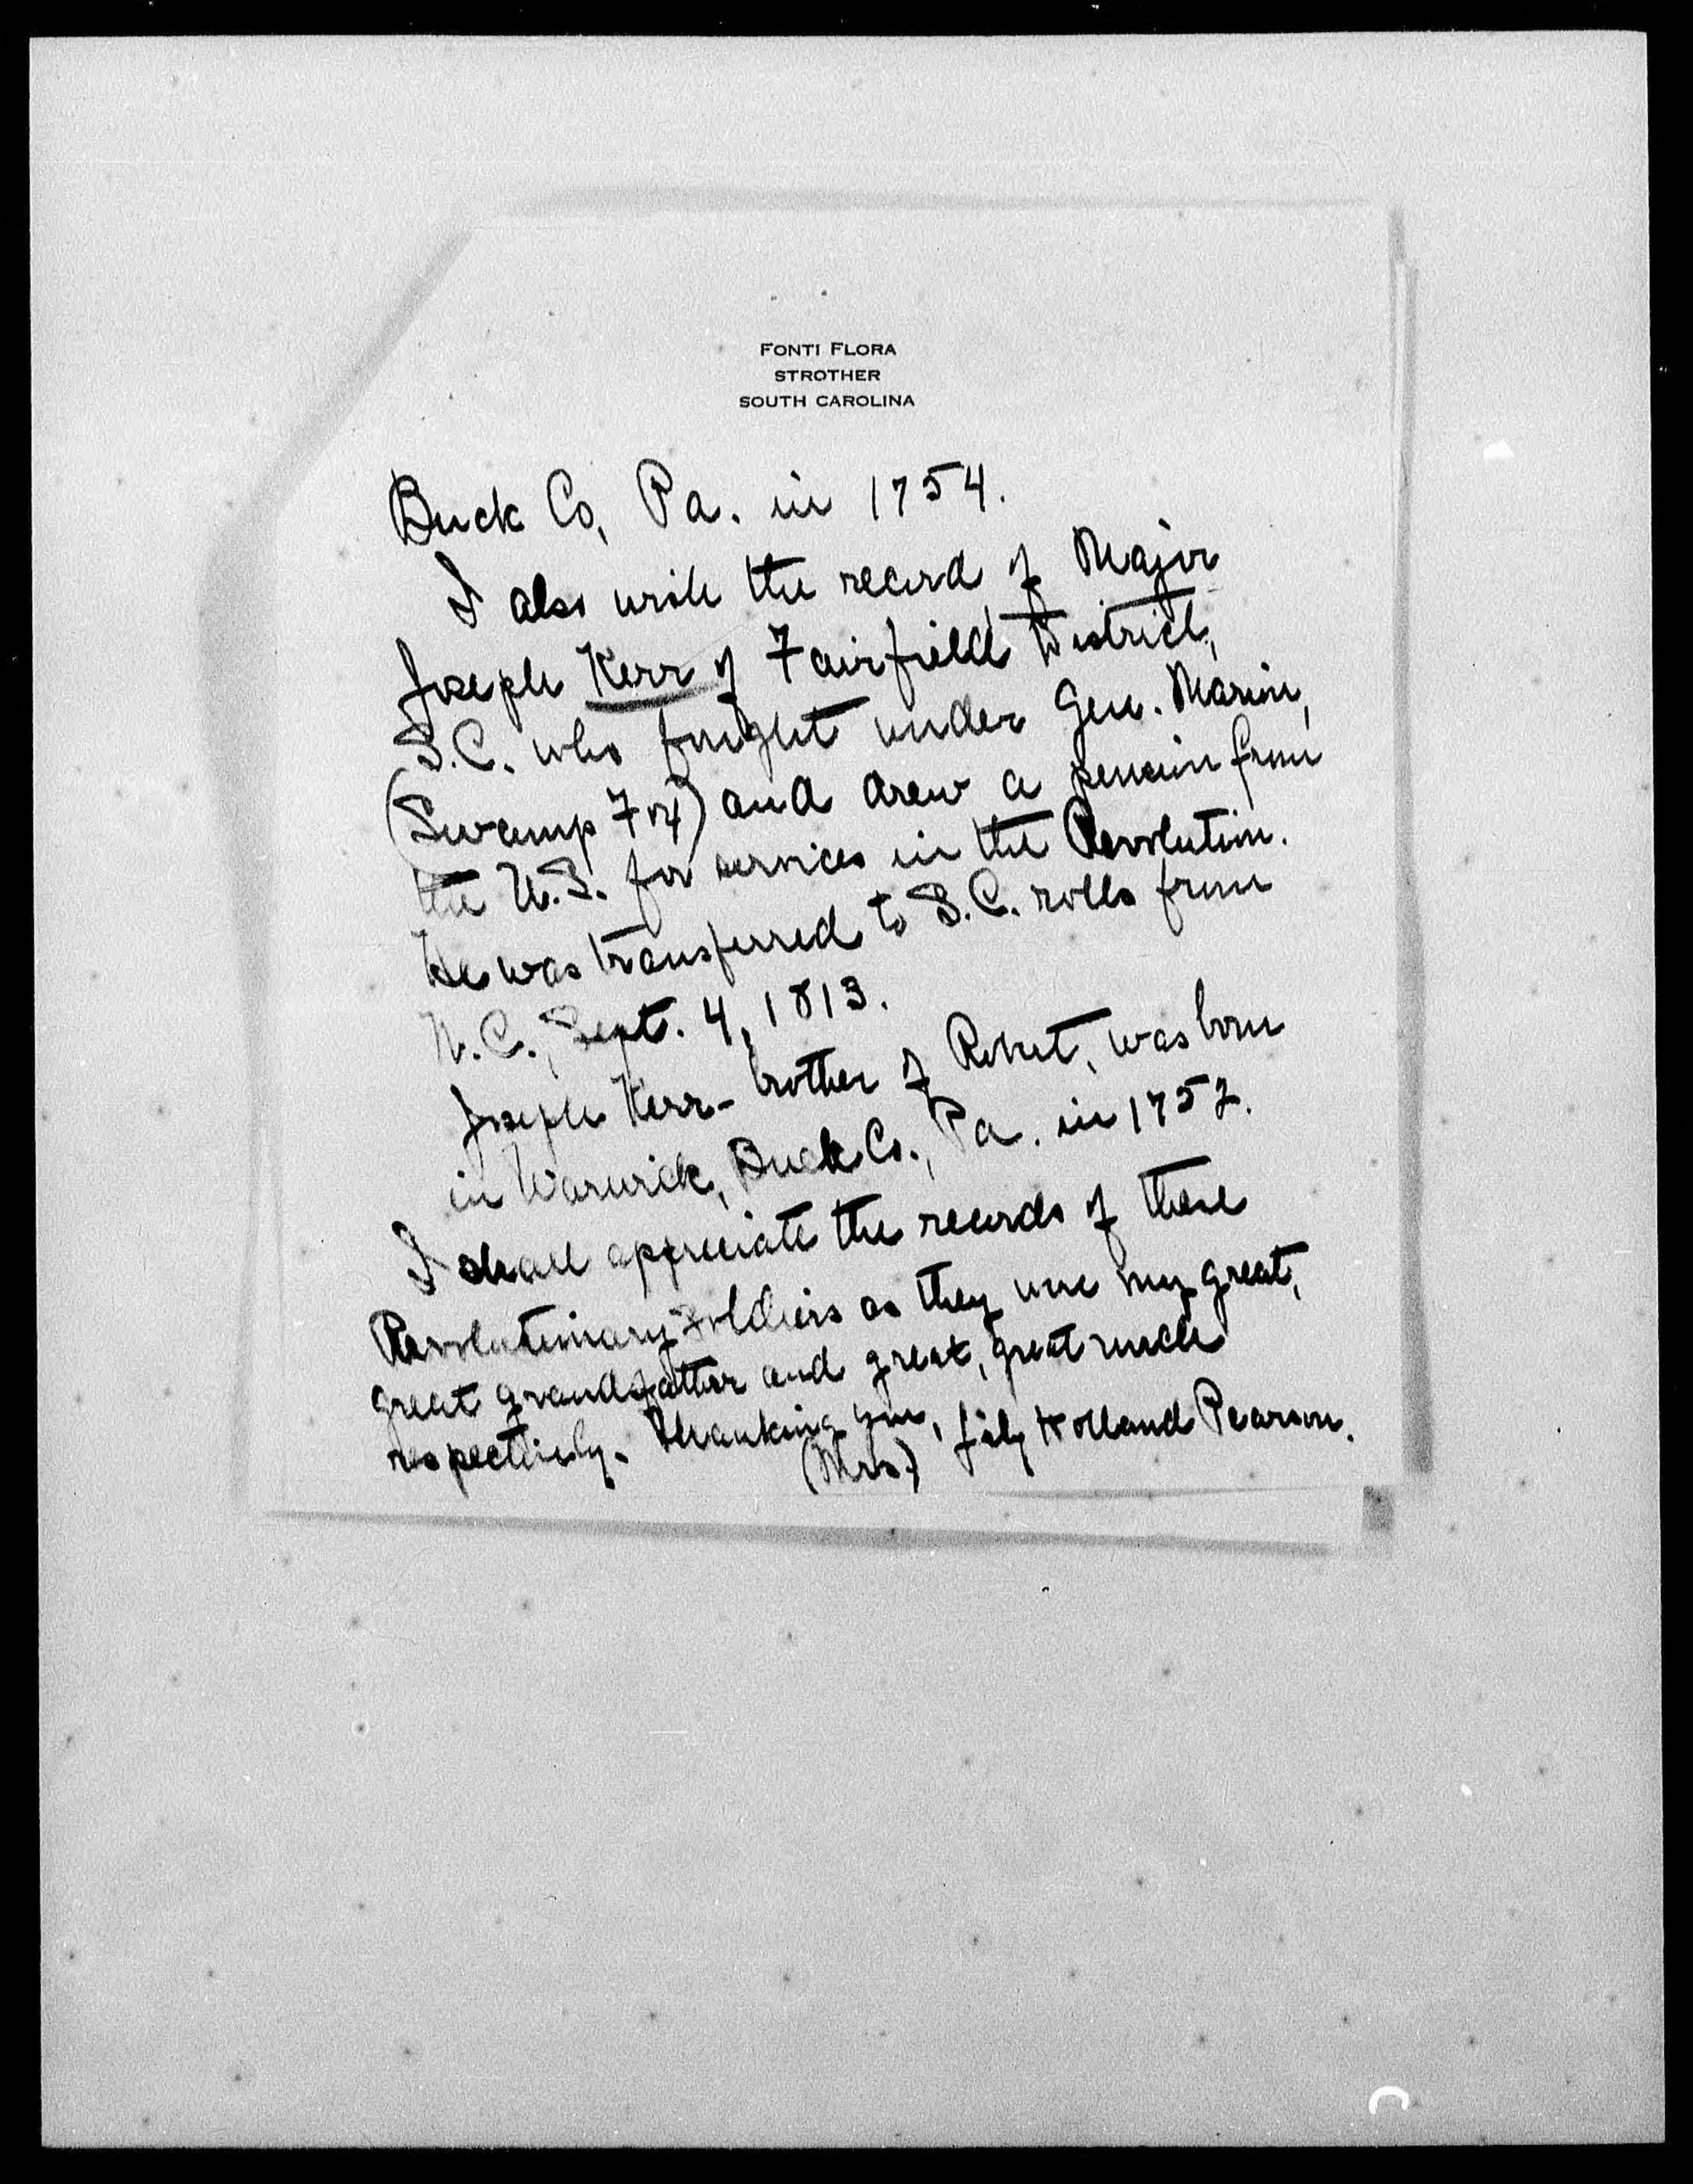Buck Co. Pa. in 1754.
I also write the record of Major Joseph Kerr of Fairfield District, S.C. who fought under Gen. Marion (Swamp Fox) and drew a pension from the U.S. for services in the revolution. He was transferred to S.C. rolls from N.C., Sept. 4, 1813
Joesph Kerr- brother of Robert, was born in Warwick, Buck Co. Pa. in 1752.
I shall appreciate the records of these Revolutionary soldiers as they were my great great grandfather and great great uncle respectively.  Thanking you,
(Mrs.) Lily Holland Pearson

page: 4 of 6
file: for Joseph Kerr, North Carolina